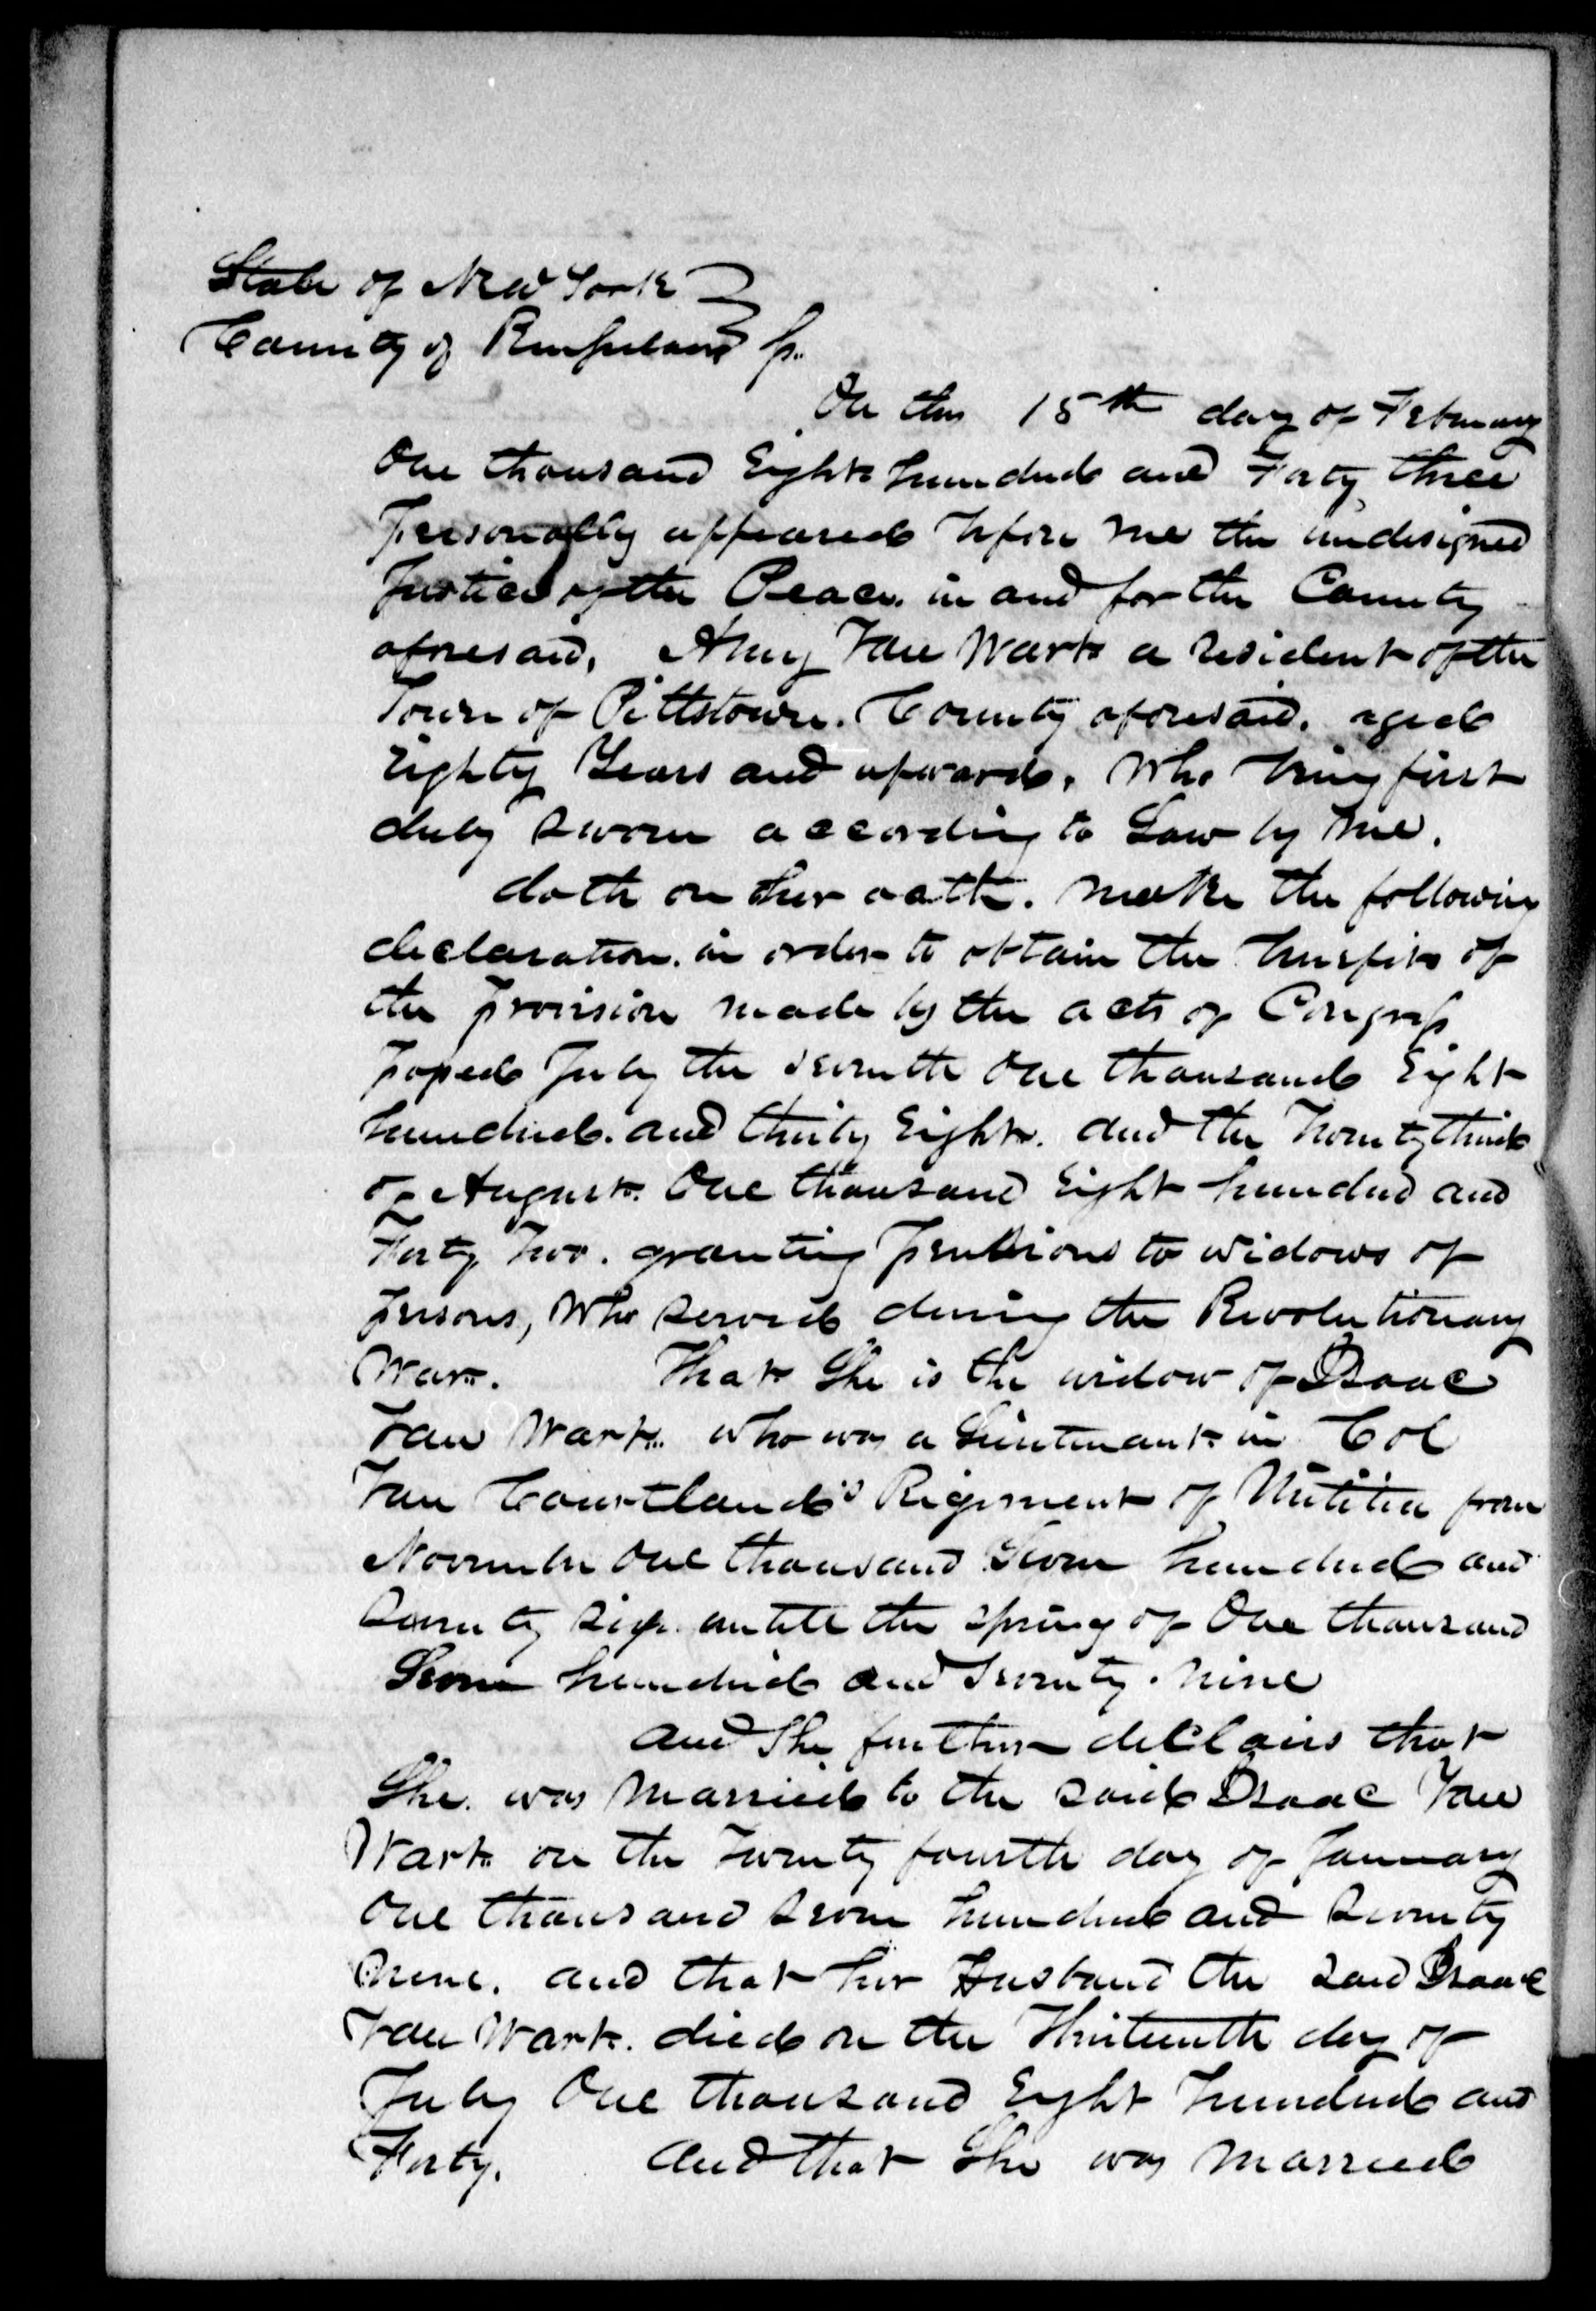State of New York 
County of Rensselaer } ss.
On this 15th day of February One thousand Eight hundred and Forty three personally appeared before me the undersigned Justice of the Peace in and for the County aforesaid, Amy Van Wart a resident of the Town of Pittstown, County aforesaid, aged Eighty years and upwards, who being first duly sworn according to Law by me, doth on her oath, make the following declaration in order to obtain the benefits of the provision made by the acts of Congress passed July the seventh one thousand Eight hundred and thirty Eight, and the Twenty third of August One thousand Eight hundred and Forty two granting pensions to widows of persons, who served during the Revolutionary War. That she is the widow of Isaac Van Wart who was a Lieutenant in Col Van Courtland’s Regiment of Militia from November one thousand seven hundred and seventy six untill the spring of One thousand seven hundred and Seventy nine 
And she further declairs that she was married to the said Isaac Van Wart on the twenty fourth day of January one thousand seven hundred and seventy nine, and that her Husband the said Isaac Van Wart died on the Thirteenth day of July One thousand Eight hundred and Forty. And that she was married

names: Isaac Van Wart, Isaac Van Wart, Isaac Van Wart, Amy Van Wart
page: 93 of 102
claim: widow's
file: W. 18239, Isaac Van Wart, New York